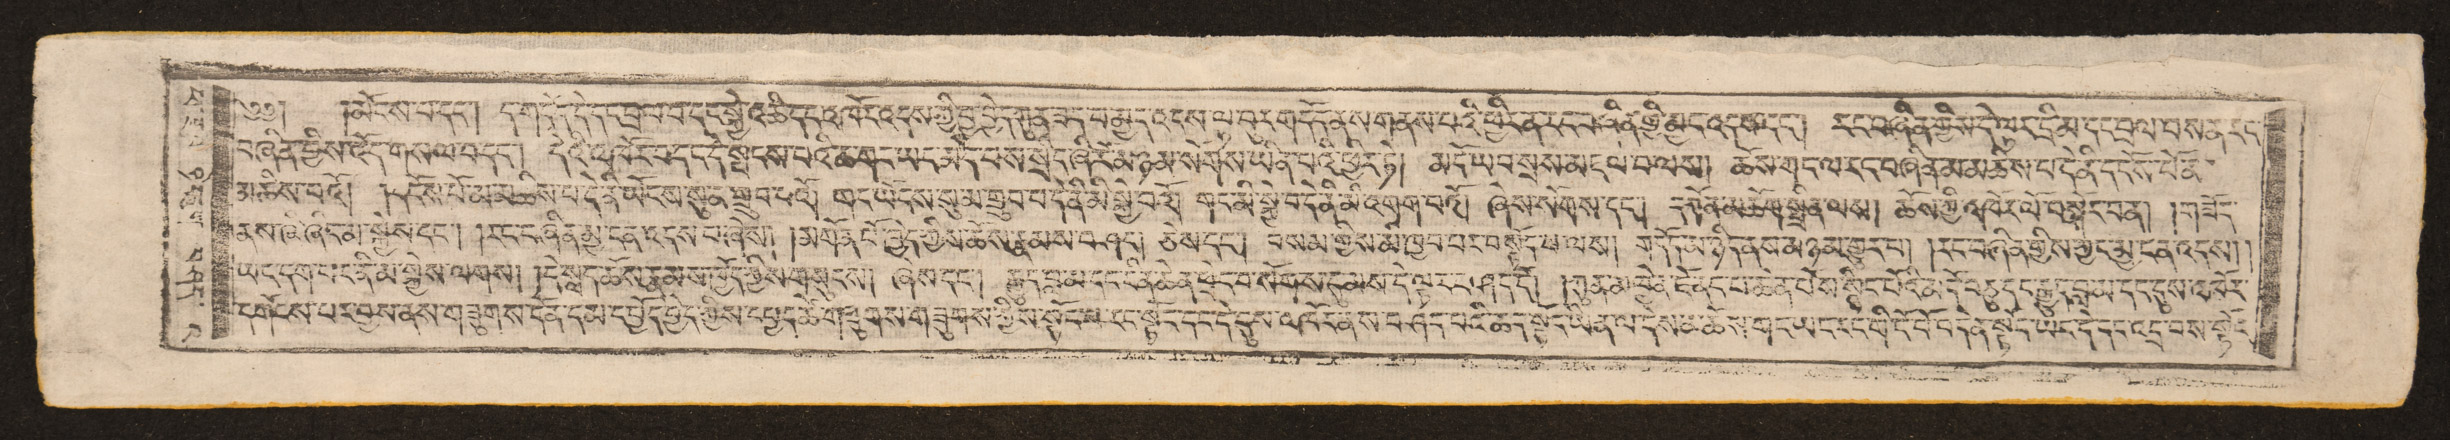༄༅། །མོངས་པ་དང་། ད་གདོད་དེ་དང་བྲལ་བ་དང་སྐྱེ་འཆི་དང་འཁོར་འདས་ཀྱི་བྱ་བྱེད་ཀུན་ཟད་པ་མྱང་འདས་ལྟ་བུར་གདོད་ནས་གནས་པའི་ཕྱིར་ན་རང་བཞིན་གྱི་མྱང་འདས་དང་། རང་བཞིན་གྱིས་དེ་ལྟར་དྲི་མ་དང་བྲལ་བསན་རང་
བཞིན་གྱིས་འོད་གསལ་བ་དང་། དེའི་འཁོར་བ་དང་དེ་སྤངས་པའི་ཆ་གང་ཡང་མེད་པས་སྲིད་ཞི་རོ་མཉམ་སོགས་ཡིན་པའི་ཕྱིར་ཏེ། མདོ་ཡབ་སྲས་མཇལ་བ་ལས། ཆོས་གང་ལ་རང་བཞིན་མ་མཆིས་པ་དེ་ནི་དངོས་པོ་མ་
མཆིས་པའོ། །དངོས་པོ་མ་མཆིས་པ་དེ་ནི་ཡོངས་སུ་མ་གྲུབ་པའོ། གང་ཡོངས་སུ་མ་གྲུབ་པ་དེ་ནི་མི་སྐྱེ་བའོ། གང་མི་སྐྱེ་བ་དེ་ནི་མི་འགག་པའོ། ཞེས་སོགས་དང་། དཀོན་མཆོག་སྤྲིན་ལས། ཆོས་ཀྱི་འཁོར་ལོ་བསྐོར་བ་ན། །གཟོད་
ནས་ཞི་ཞིང་མ་སྐྱེས་དང་། །རང་བཞིན་མྱ་ངན་འདས་པ་ཞེས། །མགོན་པོ་ཁྱེད་ཀྱིས་ཆོས་རྣམས་བཤད། ཅེས་དང་། བསམ་གྱིས་མི་ཁྱབ་པར་བསྟོད་པ་ལས། གདོད་མ་ཉིད་ནས་མཉམ་གྱུར་བ། །རང་བཞིན་གྱིས་ཀྱང་མྱ་ངན་འདས། །
ཡང་དག་པར་ནི་མ་སྐྱེས་ལགས། །དེ་སླད་ཆོས་རྣམས་ཁྱོད་ཀྱིས་གསུངས། ཞེས་དང་། རྒྱུད་བླ་མ་དང་རིན་ཆེན་ཕྲེང་བ་སོགས་དུ་མས་དེ་ལྟར་བཤད་དོ། །ཀུན་མཁྱེན་ཇོ་ནང་པ་ཆེན་པོས་སྙིང་པོའི་མདོ་བཅུ་དང་རྒྱུད་བླ་མ་དང་དུས་འཁོར་
དགོངས་པར་བྱས་ནས་གཟུགས་དོན་དམ་དཔྱོད་བྱེད་ཀྱིས་དབྱད་ཚེ་གཟུགས་གཟུགས་ཀྱིས་སྟོང་བ་རང་སྟོང་དང་དེ་དུས་འཁོར་ནས་བཤད་པའི་ཆད་སྟོང་ཡིན་ལ་དེས་ན་ཆོས་གང་ཡང་རང་གི་ངོ་བོ་བདེན་སྟོང་ཡང་དེ་དང་འདྲ་བས་སྟོད་